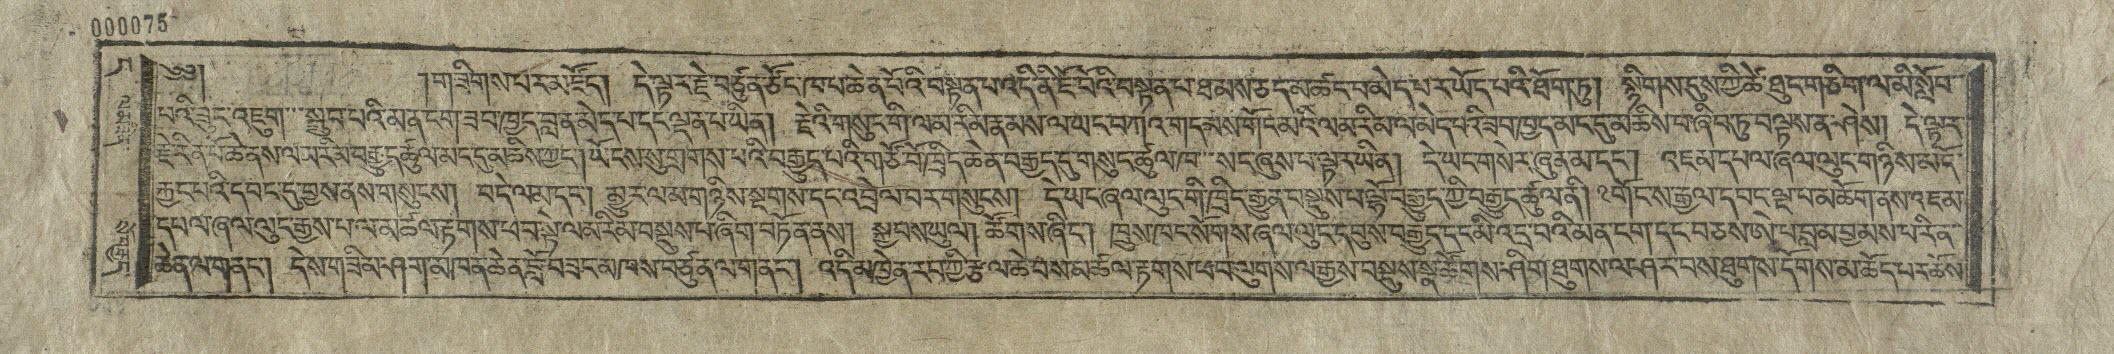༄༅། །གཟིགས་པར་མཛོད། དེ་ལྟར་རྗེ་བཙུན་ཙོང་ཁ་པ་ཆེན་པོའི་བསྟན་པ་འདི་ནི་ཇོ་བོའི་བསྟན་པ་ཐམས་ཅད་མ་ཚང་བ་མེད་པར་ཡོད་པའི་ཐོག་ཏུ། སྙིགས་དུས་ཀྱི་ཚེ་ཐུང་གཅིག་ལ་མི་སློབ་
པའི་ཟུང་འཇུག་སྒྲུབ་པའི་མན་ངག་ཟབ་ཁྱད་བླ་ན་མེད་པ་དང་ལྡན་པ་ཡིན། རྗེའི་གསུང་གི་ལམ་རིམ་རྣམས་ལ་ཡང་བཀའ་གདམས་གོང་མའི་ལམ་རིམ་ལ་མེད་པའི་ཟབ་ཁྱད་མང་དུ་མཆིས་པ་ཞིབ་ཏུ་བལྟས་ན་ཤེས། དེ་ལྟར་
རྗེ་རིན་པོ་ཆེ་ནས་ལམ་རིམ་བརྒྱུད་ཚུལ་མང་དུ་མཆིས་ཀྱང་། ཡོངས་སུ་གྲགས་པའི་བརྒྱུད་པའི་གཙོ་བོ་ཁྲིད་ཆེན་བརྒྱད་དུ་གསུང་ཚུལ་ཁ་སང་ཞུས་པ་ལྟར་ཡིན། དེ་ཡང་གསེར་ཞུན་མ་དང་། འཇམ་དཔལ་ཞལ་ལུང་གཉིས་མདོ་
རྐྱང་པའི་དབང་དུ་བྱས་ནས་གསུངས། བདེ་ལམ་དང་། མྱུར་ལམ་གཉིས་སྔགས་དང་འབྲེལ་བར་གསུངས། དེ་ཡང་ཞལ་ལུང་གི་ཁྲིད་རྒྱུན་བསྡུས་པ་ལྷོ་བརྒྱུད་ཀྱི་བརྒྱུད་ཚུལ་ནི། ༧གོང་?་ས་རྒྱལ་དབང་ལྔ་པ་མཆོག་ནས་འཇམ་
དཔལ་ཞལ་ལུང་རྒྱས་པ་ལ་མཚལ་རྟགས་ཕབ་སྟེ་ལམ་རིམ་བསྡུས་པ་ཞིག་བཏོན་ནས། སྐྱབས་ཡུལ། ཚོགས་ཞིང་། ཁྲུས་ཁང་སོགས་ཞལ་ལུང་དབུས་བརྒྱུད་དང་མི་འདྲ་བའི་མན་ངག་དང་བཅས་ཨེ་པ་བླ་མ་བྱམས་པ་རིན་
ཆེན་ལ་གནང་། དེས་གཟིམ་ཤག་མཁན་ཆེན་བློ་བཟང་མཁས་བཙུན་ལ་གནང་། འདི་མཁྱེན་རབ་ཀྱི་རྩལ་ཆེ་བས་མཚལ་རྟགས་ཕབ་ལུགས་ལ་རྒྱས་བསྡུས་སྣ་ཚོགས་ཤིག་ཐུགས་ལ་ཤར་བས་ཐུགས་དོགས་མ་ཆོད་པར་ཆོས་